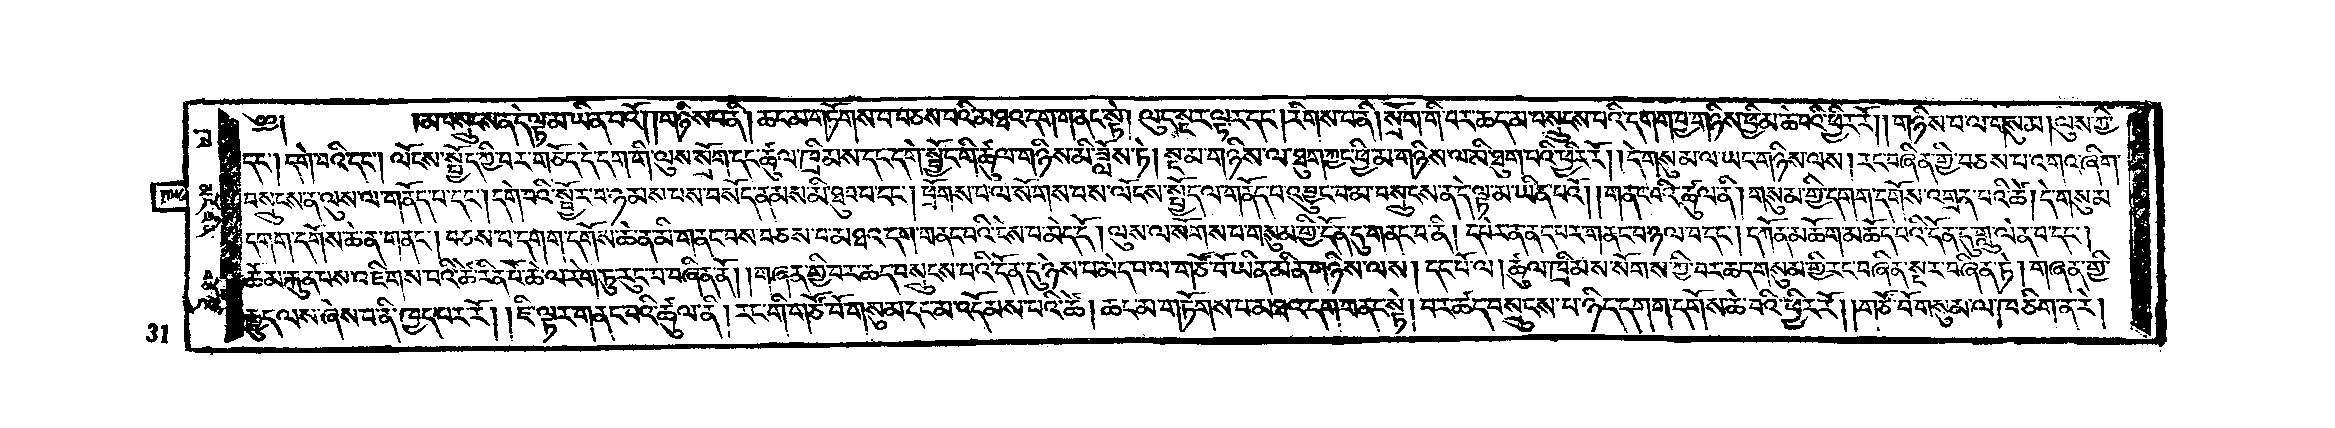༄༅། །མ་བསྲུང་ན་དེ་ལྟ་མ་ཡིན་པའོ། །གཉིས་པ་ནི། ཆང་མ་གཏོགས་པ་བཅས་པའི་མཐའ་དག་གནང་སྟེ། ལུང་སྔར་ལྟར་དང་། རིགས་པ་ནི། སྲོག་གི་བར་ཆད་མ་བསྲུངས་པའི་དགག་བྱ་གཉིས་ཕྱི་མ་ཆེ་བའི་ཕྱིར་རོ། །གཉིས་པ་ལ་གསུམ། ལུས་ཀྱི་
དང་། དགེ་བའི་དང་། ལོངས་སྤྱོད་ཀྱི་བར་གཅོད་དེ་དག་གི་ལུས་སྲོག་དང་ཚུལ་ཁྲིམས་དང་དགེ་སྦྱོང་གི་ཚུལ་གཉིས་མི་ཟློས་ཏེ། སྔ་མ་གཉིས་ལ་ཐུག་ཀྱང་ཕྱི་མ་གཉིས་ལ་མི་ཐུག་པའི་ཕྱིར་རོ། །དེ་གསུམ་ལ་ཡང་གཉིས་ལས། རང་བཞིན་གྱི་བཅས་པ་འགའ་ཞིག་
བསྲུངས་ན་ལུས་ལ་གནོད་པ་དང་། དགེ་བའི་སྦྱོར་བ་ཉམས་པས་བསོད་ནམས་མི་ཐུབ་པ་དང་། ཕྲོགས་པ་ལ་སོགས་པས་ལོངས་སྤྱོད་ལ་གནོད་པ་འབྱུང་བ་མ་བསྲུངས་ན་དེ་ལྟ་མ་ཡིན་པའོ། །གནང་བའི་ཚུལ་ནི། གསུམ་གྱི་དགག་དགོས་འགྲན་པའི་ཚེ། དེ་གསུམ་
དགག་དགོས་ཆེ་ན་གནང་། བཅས་པ་དགག་དགོས་ཆེ་ན་མི་གནང་བས་བཅས་པ་མཐའ་དག་གནང་བའི་ངེས་པ་མེད་དོ། ལུས་ལ་སོགས་པ་གསུམ་གྱི་དོན་དུ་གནང་བ་ནི། དཔེར་ན་ནད་པར་གནང་བ་ཉལ་བ་དང་། དཀོན་མཆོག་མཆོད་པའི་དོན་དུ་གླུ་ལེན་པ་དང་།
ཆོམ་རྐུན་པས་འཇིགས་པའི་ཚེ་རིན་པོ་ཆེ་ལ་རེག་ཏུ་རུང་བ་བཞིན་ནོ། །གཞན་གྱི་བར་ཆད་བསྲུངས་པའི་དོན་དུ་ཉེས་པ་མེད་པ་ལ་གཙོ་བོ་ཡིན་མིན་གཉིས་ལས། དང་པོ་ལ། ཚུལ་ཁྲིམས་སོགས་ཀྱི་བར་ཆད་གསུམ་གྱི་རང་བཞིན་སྔར་བཞིན་ཏེ། གཞན་གྱི་
རྒྱུད་ལས་ཞེས་པ་ནི་ཁྱད་པར་རོ། །ཇི་ལྟར་གནང་བའི་ཚུལ་ནི། རང་གི་གཙོ་བོ་གསུམ་དང་མ་འདོམས་པའི་ཚེ། ཆང་མ་གཏོགས་པ་མཐའ་དག་གནང་སྟེ། བར་ཆད་བསྲུངས་པ་ཉིད་དགག་དགོས་ཆེ་བའི་ཕྱིར་རོ། །གཙོ་བོ་གསུམ་ལ་ཁ་ཅིག་ན་རེ།